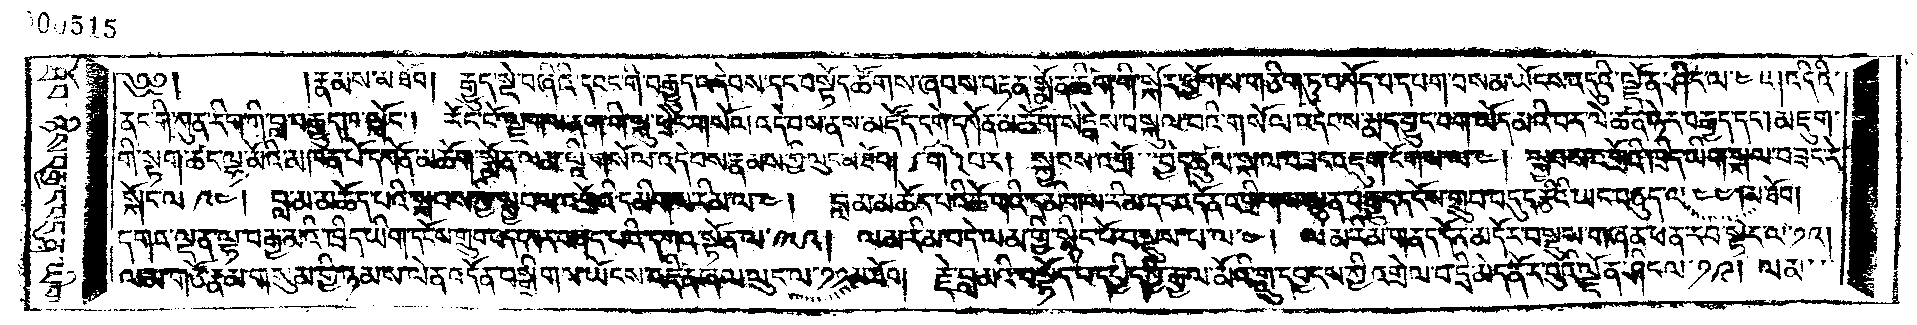༄༅། །རྣམས་མ་ཐོབ། རྒྱུད་སྡེ་བཞིའི་དབང་གི་བརྒྱུད་འདེབས་དང་བསྟོད་ཚོགས་ཞབས་བརྟན་སྨོན་ཚིག་གི་སྐོར་ཕྱོགས་གཅིག་ཏུ་བཀོད་པ་དཔག་བསམ་ཡོངས་འདུའི་ལྗོན་ཤིང་ལ ༤༥། འདིའི་
ནང་གི་ཀུན་རིག་གི་བླ་བརྒྱུད་ཁ་སྐོང་། རོང་པོ་ལྗགས་ནག་གི་སྐུ་ཕྲེང་གསོལ་འདེབས་ནས་མཛོད་དགེ་དཀོན་མཆོག་སེངྒེས་བསྐུལ་བའི་གསོལ་འདེབས་རྨད་བྱུང་བག་ཡོད་མའི་བར་ལེ་ཚན་ཉེར་བརྒྱད་དང་། མཇུག་
གི་སྟག་ཚང་ལྷ་མོའི་མཁན་པོ་དཀོན་མཆོག་སྨོན་ལམ་པཱི་གསོལ་འདེབས་རྣམས་ཀྱི་ལུང་མ་ཐོབ། ༼ག༽ པར། སྐྱབས་འགྲོ་བྱེད་ཚུལ་སྐལ་བཟང་འཇུག་དོགས་ལ ༤། སྐྱབས་འགྲོའི་ཁྲིད་ཡིག་སྐལ་བཟང་རེ་
སྐོང་ལ ༩༤། བླ་མ་མཆོད་པའི་སྐབས་ཀྱི་སྐྱབས་འགྲོའི་དམིགས་རིམ་ལ ༤། བླ་མ་མཆོད་པའི་ཆོ་གའི་དམིགས་རིམ་དང་འདོན་འགྲིགས་སྙན་བརྒྱུད་དངོས་གྲུབ་བདུད་རྩིའི་ཡང་བཅུད་ལ་མ་ཐོབ།  ༤༤།
དགའ་ལྡན་ལྷ་བརྒྱ་མའི་ཁྲིད་ཡིག་དངོས་གྲུབ་པད་དཀར་བཞད་པའི་དགའ་སྟོན་ལ ༣༢། ལམ་རིམ་བདེ་ལམ་གྱི་སྙིང་པོ་བསྡུས་པ་ལ ༤། ལམ་རིམ་གནད་དོན་མདོར་བསྡུས་གཞན་ཕན་རབ་སྟེར་ལ ༡༢།
ལམ་གཙོ་རྣམ་གསུམ་གྱི་ཉམས་ལེན་འདོན་བསྒྲིགས་ཡོངས་འཛིན་ཞལ་ལུང་མ་ཐོབ།  ལ ༡༡་རྗེ་བླ་མའི་བསྟོད་པ་དཔྱིད་ཀྱི་རྒྱལ་མོའི་གླུ་དབྱངས་ཀྱི་འགྲེལ་བ་དྲི་མེད་ནོར་བུའི་ལྗོན་ཤིང་ལ ༡༩། ལམ་